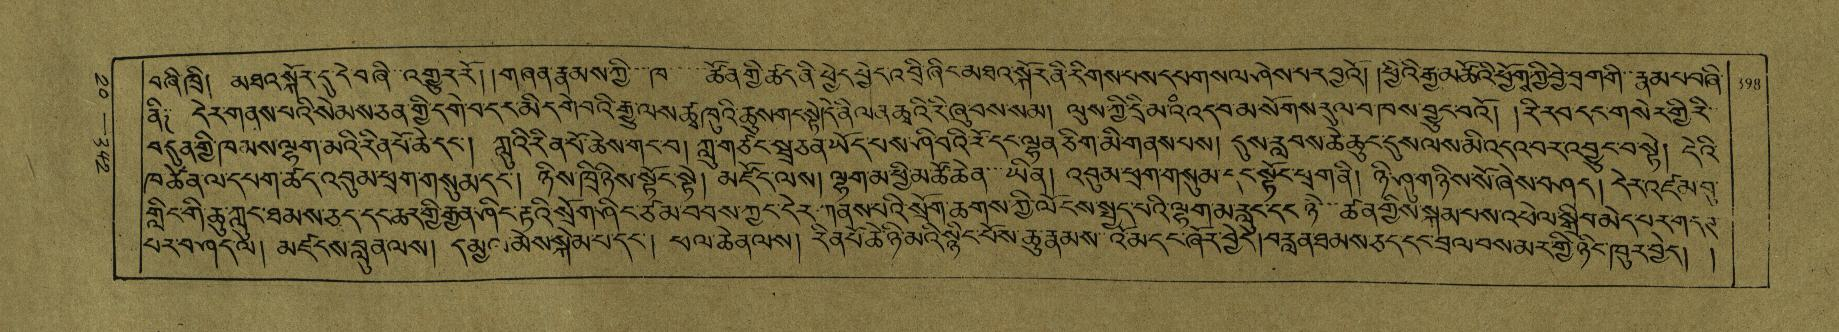བཞི་ཁྲི། མཐའ་སྐོར་དུ་དེ་བཞི་འགྱུར་རོ། །གཞན་རྣམས་ཀྱི་ཁ་ཚོན་གྱི་ཚད་ནི་ཕྱེད་ཕྱེད་འབྲི་ཞིང་མཐའ་སྐོར་ནི་རིགས་པས་དཔགས་ལ་ཤེས་པར་བྱའོ། །ཕྱིའི་རྒྱ་མཚོའི་ཕྱོགས་ཀྱི་བྱེ་བྲག་གི་རྣམ་པ་བཞི་
ནི༑ དེར་གནས་པའི་སེམས་ཅན་གྱི་དགེ་བ་དང་མི་དགེ་བའི་རྒྱུ་ལས་ཚྭ་ཁུའི་ཆུས་གང་སྟེ། དེ་ནི་ལན་ཆྭའི་རི་ཞུ་བས་སམ། ལུས་ཀྱི་དྲི་མ་འཾ་འདབ་མ་སོགས་རུལ་བ་ཁས་བྱུང་བའོ། །རི་རབ་དང་གསེར་གྱི་རི་
བདུན་གྱི་ཁམས་ལྷག་མའི་རིན་པོ་ཆེ་དང་། ཀླུའི་རིན་པོ་ཆེས་གང་བ། ཀླུ་གཙང་སྦྲ་ཅན་ཡོད་པས་ཤི་བའི་རོ་དང་ལྷན་ཅིག་མི་གནས་པས། དུས་རླབས་ཆེ་ཆུང་དུས་ལས་མི་འདའ་བར་འབྱུང་བ་སྟེ། དེའི་
ཁ་ཚེན་ལ་དཔག་ཚད་འབུམ་ཕྲག་གསུམ་དང་། ཉིས་ཁྲི་ཉིས་སྟོང་སྟེ། མཛོད་ལས། ལྷག་མ་ཕྱི་མ་ཚོ་ཆེན་ཡིན། འབུམ་ཕྲག་གསུམ་དང་སྟོང་ཕྲག་ནི། ཉི་ཤུ་གཉིས་སོ་ཞེས་བཤད། དེར་འཛམ་བུ་
གླིང་གི་ཆུ་ཀླུང་ཐམས་ཅད་དང་ཆར་གྱི་རྒྱན་ཤིང་རྟའི་སྲོག་ཤིང་ཙམ་བབས་ཀྱང་དེར་གནས་པའི་སྲོག་ཆགས་ཀྱི་ལོངས་སྤྱད་པའི་ལྷག་མ་རླུང་དང་ཉི་ཚན་གྱིས་སྐམ་པས་འཕེལ་སྒྲིབ་ལྨེད་པར་གདཊ་
པར་བཤད་ལ། མཛངས་བླུན་ལས། དམྱལ་མེས་སྐེམ་པ་དང་། ཕལ་ཞོར་བྱེད། བརླན་ཐམས་ཅད་དང་བྲལ་བས་མར་གྱི་ཉིང་ཁུར་ཞོར་བྱེད། བརླན་ཐམས་ཅད་དང་བྲལ་བས་མར་གྱི་ཉིང་ཁུར་བྱེད།